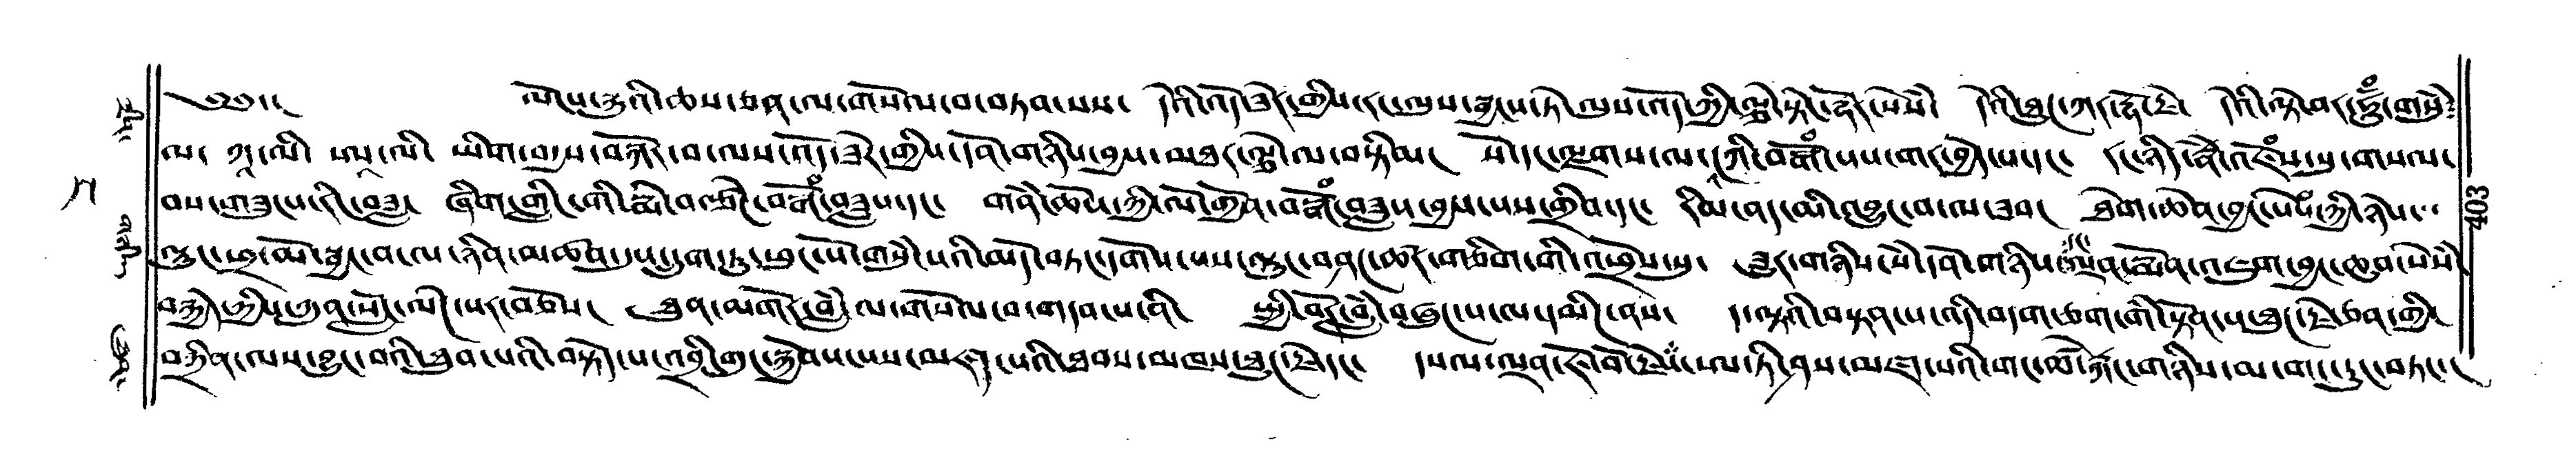ལོངས་སྐུའི་ཆས་ཅན་ལ་གསོལ་བ་བཏབ་པས། དེའི་འོད་ཟེར་གྱིས་རང་ལུས་སྦྱངས་ཏེ་ལུས་འོད་ཀྱི་ལྕེ་སྟེང་རྡོར་སེམས། དེའི་ཐུགས་ཀར་རྡོ་རྗེ། དེའི་ལྟེ་བར་ཧཱུྃ་གསུམ་
ལ། ཀཱ་ལི། ཨཱ་ལི། ཡིག་བརྒྱས་བསྐོར་བ་ལས་འོད་ཟེར་གྱིས་དོན་གཉིས་བྱས་མཐར་ལྕེ་ལ་བསྟིམ། སོ་དང་ལྗགས་ལ་ཌཱཀྐི་བསྒོམས་པས་གར་བྱེད་པ་དང་། རང་ཉིད་རྣམ་འཇོམས་སུ་གསལ་
བས་གཟུངས་རིང་བཟླ། ཞིག་གླིང་གི་སྨེ་བརྩེགས་བསྒོམ་བཟླས་དང་། གནམ་ཆོས་ཀྱི་ལོ་གྱོན་བསྒོམ་བཟླས་བྱས་པས་གྲིབ་དང་། རིམས་ནད་མི་འབྱུང་བ་ལ་ཟབ། ཐེག་ཆེན་བྱང་སེམས་ཀྱི་ཉེས་
ལྟུང་ཕྲ་མོ་སྦྱོང་བ་ལ་ཉིན་མཚན་དུས་དྲུག་ཏུ་ཕུང་པོ་གསུམ་པའི་མདོ་བཏང་དགོས་པས་ལྟུང་བཤགས་ཚར་གཅིག་གི་འཕྲོས་སུ། ཟུར་གཉིས་སམ་དོན་གཉིས་ལྡན་སྨོན་འཇུག་བྱང་ཆུབ་སེམས་
བསྐྱེད་ཀྱིས་ཀུན་སློང་ལེགས་པར་བཅོས། ཐུན་མགོར་བླ་མ་ལ་གསོལ་བ་གདབ་པ་ནི། སྤྱི་བོར་བླ་མ་བཞུགས་པ་ལ་དམིགས་ནས། ད་ལྟའི་བསྟན་པ་འདི་བདག་ཅག་གི་སྟོན་པ་ཐུགས་རྗེ་ཅན་གྱི་
བཀའ་དྲིན་ལས་བྱུང་བས་ཐུབ་པས་བསྟོད་པ་འབྲི་གུང་སྐྱོབ་པས་མཛད་པའི་ཐབས་མཁས་ཐུགས་རྗེ་དང་། དཔལ་ལྡན་ཇོ་བོ་རྗེ་ཨ་ཏི་ཤས་མཛད་པའི་གང་ཚེ་རྐང་གཉིས་མ་གང་རུང་གཏང་།